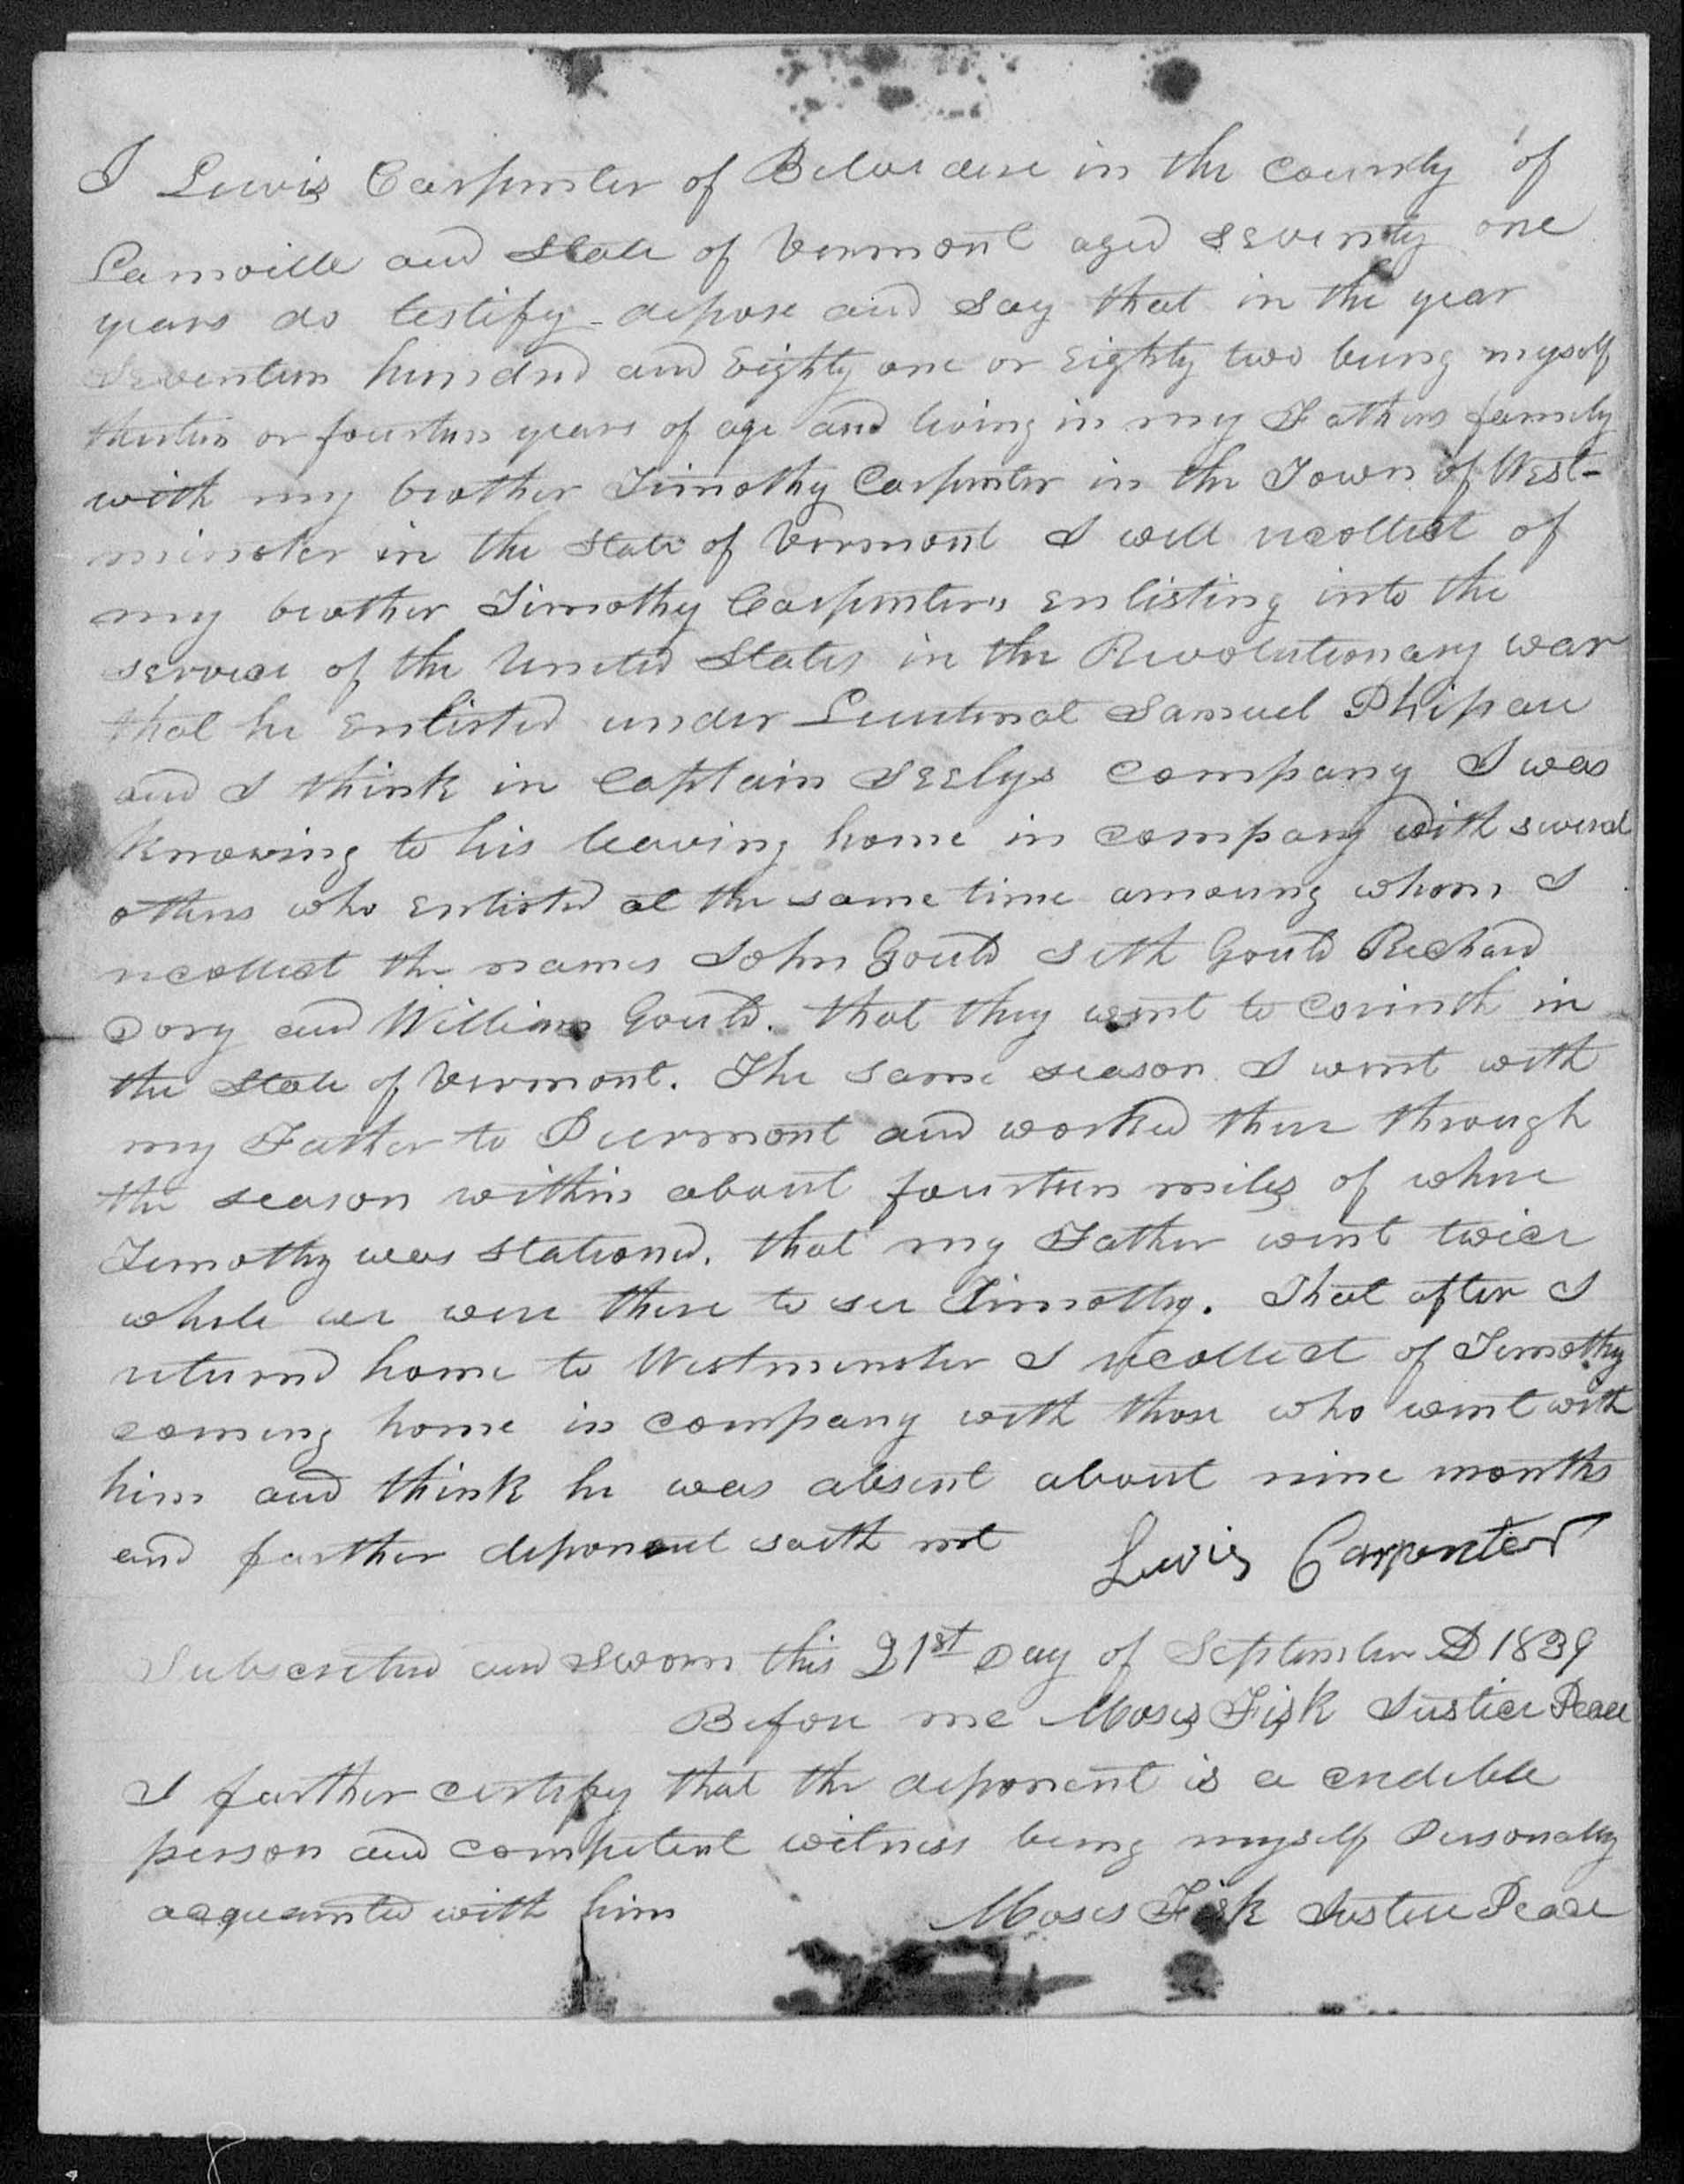I Lewis Carpenter of Belvidere in the County of Lamoille and State of Vermont aged seventy one years do testify depose and say that in the year Seventeen hundred and eighty one or eight two being myself thirteen or fourteen years of age and living in my Fathers family with my brother Timothy Carpenter in the Town of Westminster in the State of Vermont I well recollect of my brother Timothy Carpenter's enlisting into the service of the United States in the Revolutionary war that he enlisted under Lieutenant Samuel Phipan and I think in Captain Seelys company I was knowing to his leaving home in company with several others who enlisted at the same time among whom I recollect the names John Gould Seth Gould Richard Dory and William Gould. that they went to Corinth in the State of Vermont. The same season I went with my Father to Vermont and worked there through the season within about fourteen miles of where Timothy was stationed. that my Father went twice while we were there to see Timothy. That after I returned home to Westminster I recollect of Timothy coming home in company with those who went with him and think he was absent about nine months and further deponent saith not
/s/Lewis Carpenter
Subscribed and Sworn this 21st Day of September AD 1839 Before me /s/Moses Fisk Justice Peace
I further certify that the deponent is a credible person and competent witness being myself personally acquainted with him /s/Moses Fisk Justice Peace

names: Timothy, John Gould, Piermont, Richard Dory, Moses Fisk, Timothy Carpenter, Timothy Carpenter, Timothy, Seth Gould, Timothy, Samuel Phipau, Lewis Carpenter, Lewis Carpenter, William Gould, Moses Fisk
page: 6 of 41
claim: widow's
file: W. 15627, Timothy Carpenter, Vt.